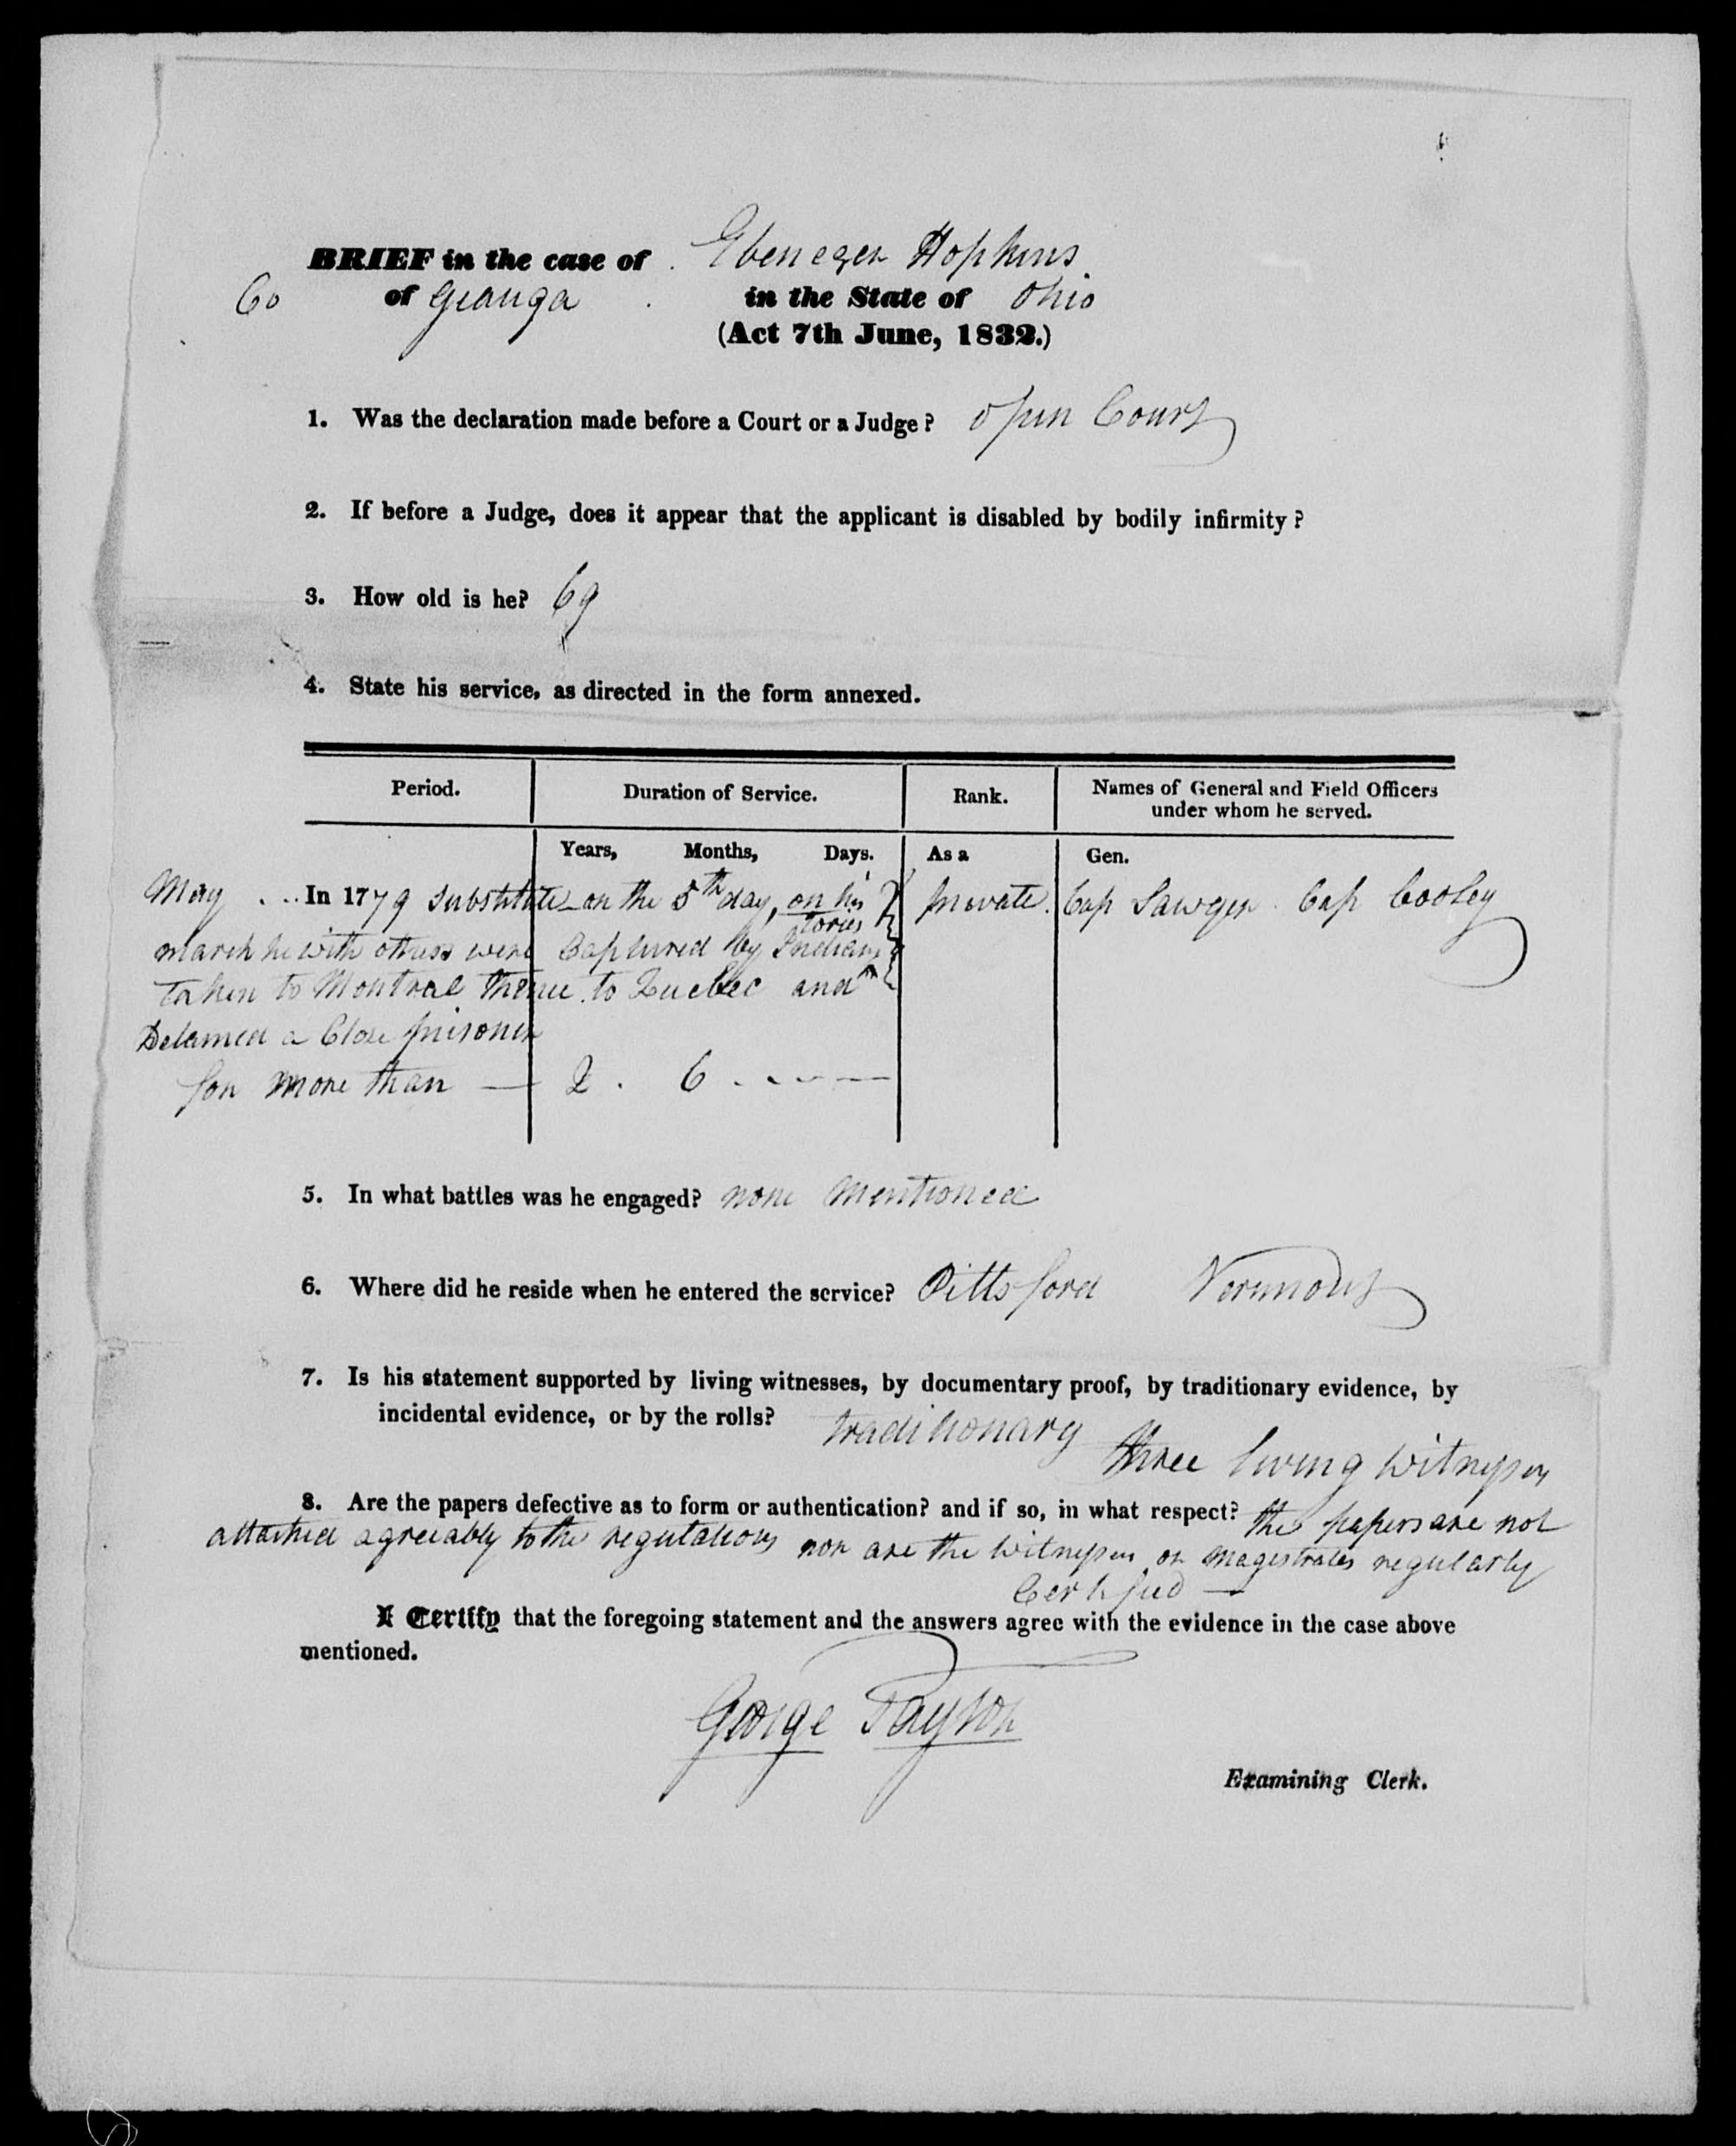BRIEF in the case of Ebenezer Hopkins of Geauga in the State of Ohio
(Act 7th June, 1832.)

1. Was the declaration made before a Court or a Judge? Open Court
2. If before a Judge, does it appear that the applicant is disabled by bodily infirmity?
3. How old is he? 69
4. State his service, as directed in the form annexed.
Period.  | Years,  |  Duration of Service. Years, Months. Days. | Rank  |  Names of General and Field Officers under whom he served.

May In 1779 substitute on the 5th day of his  |  private  | Cap Sawyer Cap Cooley
March he with others were captured by Tories Indians  |
taken to Montral thenc to Quebec and
Delamed a close prisoner
on more than-  2 years 6 months  

5. In what battles was he engaged? None mentioned
6. Where did he reside when he entered the service? Pittsford Vermont
7. Is his statement supported by living witnesses, by documentary proof, by traditionary evidence, by incidental evidence, or by the rolls? traditionary see living witnesses
8. Are the papers defective as to form or authentication? and if so, in what respect? the papers are not attached agreeably to the regulations nor are the witnesses, or magistrates regularly Certified
 * Certify that the foregoing statement and the answers agree with the evidence in the case above mentioned. -
George Taylor
Examining Clerk.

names: Cooley, George Taylor, Sawyer, Ebenezer Hopkins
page: 71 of 144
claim: rejected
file: R. 5208, Dennis Hopkins, N.C.